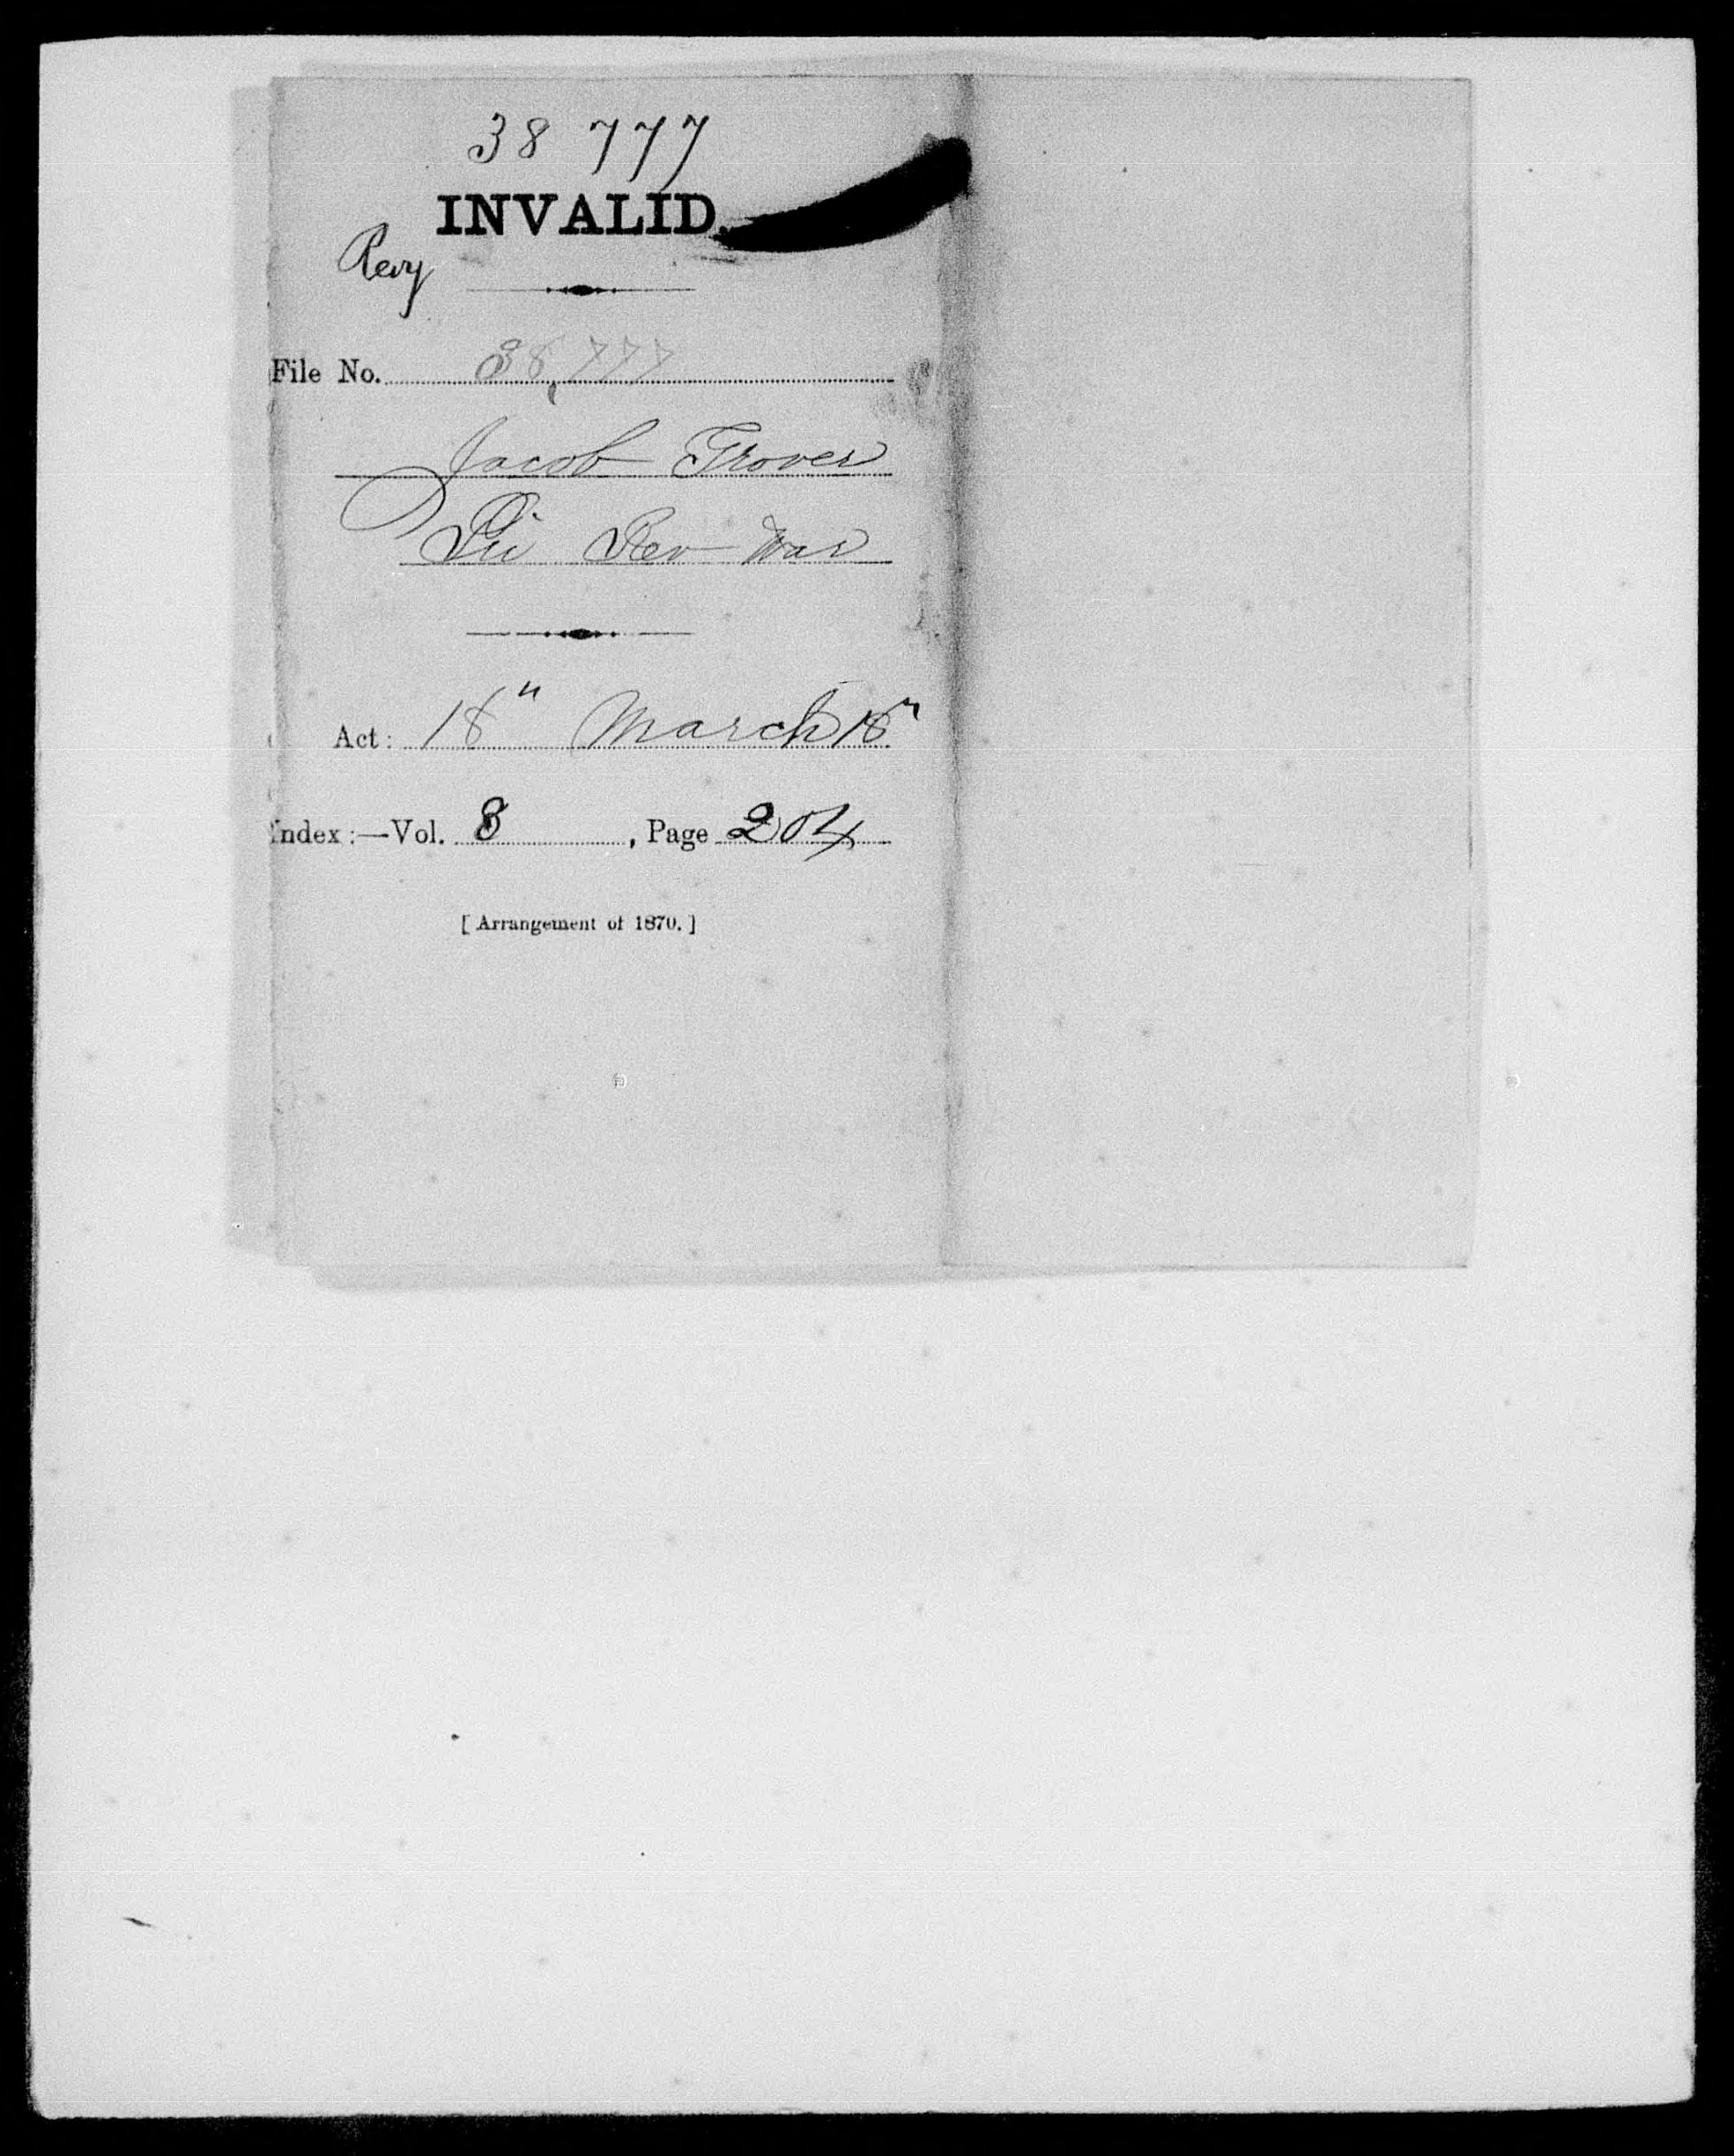38777
INVALID
Revy
FIle No. 38777
Jacob Grover
Pri Rev War

Act: 18th March 18(?)
Index: - Vol. 8, Page 204
{arrangement of 1870}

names: Jacob Grover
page: 7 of 22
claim: survivor's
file: S. 38777, Jacob Grover, Continental (Vt.)